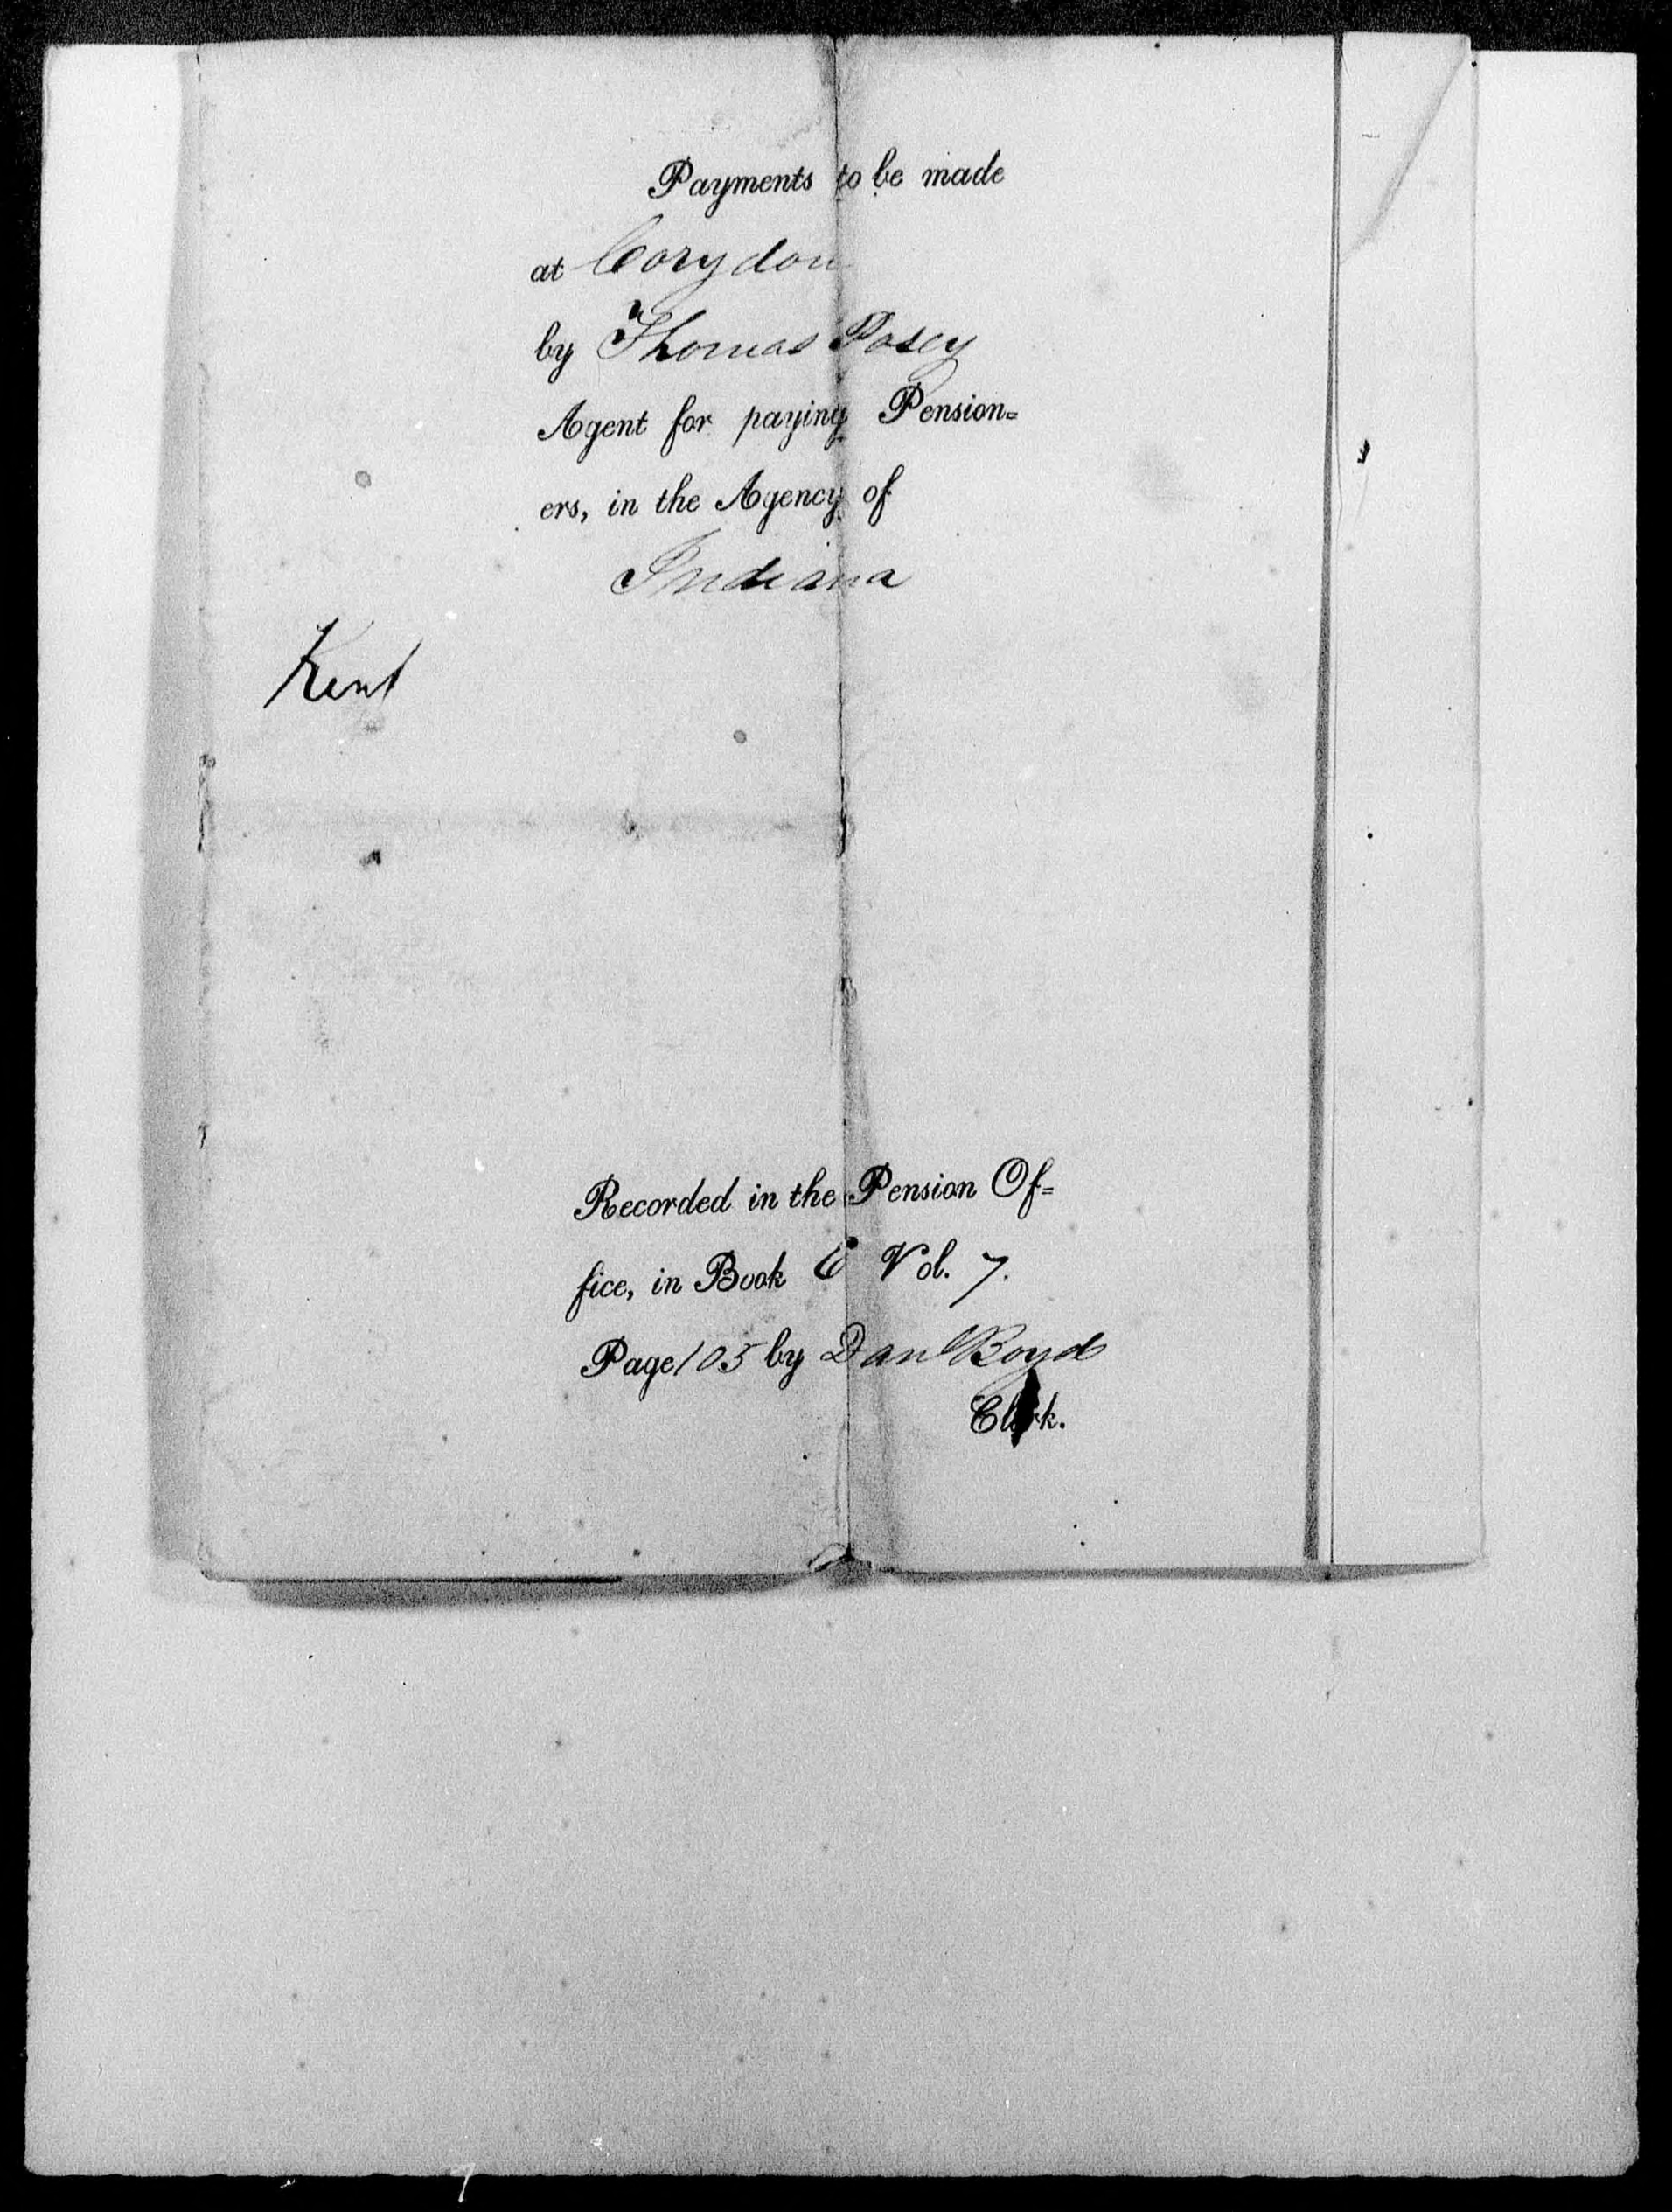Payments to be made
at Corydon
by Thomas Posey
Agent for paying Pensioners, in the Agency of Indiana

Recorded in the  Pension Office, in Book 6 Vol. 7 Page 105 by Dan Boyd Clerk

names: Danl Boyd, Thomas Posey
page: 26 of 49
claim: widow's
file: W. 2518, James Brenton, Va.